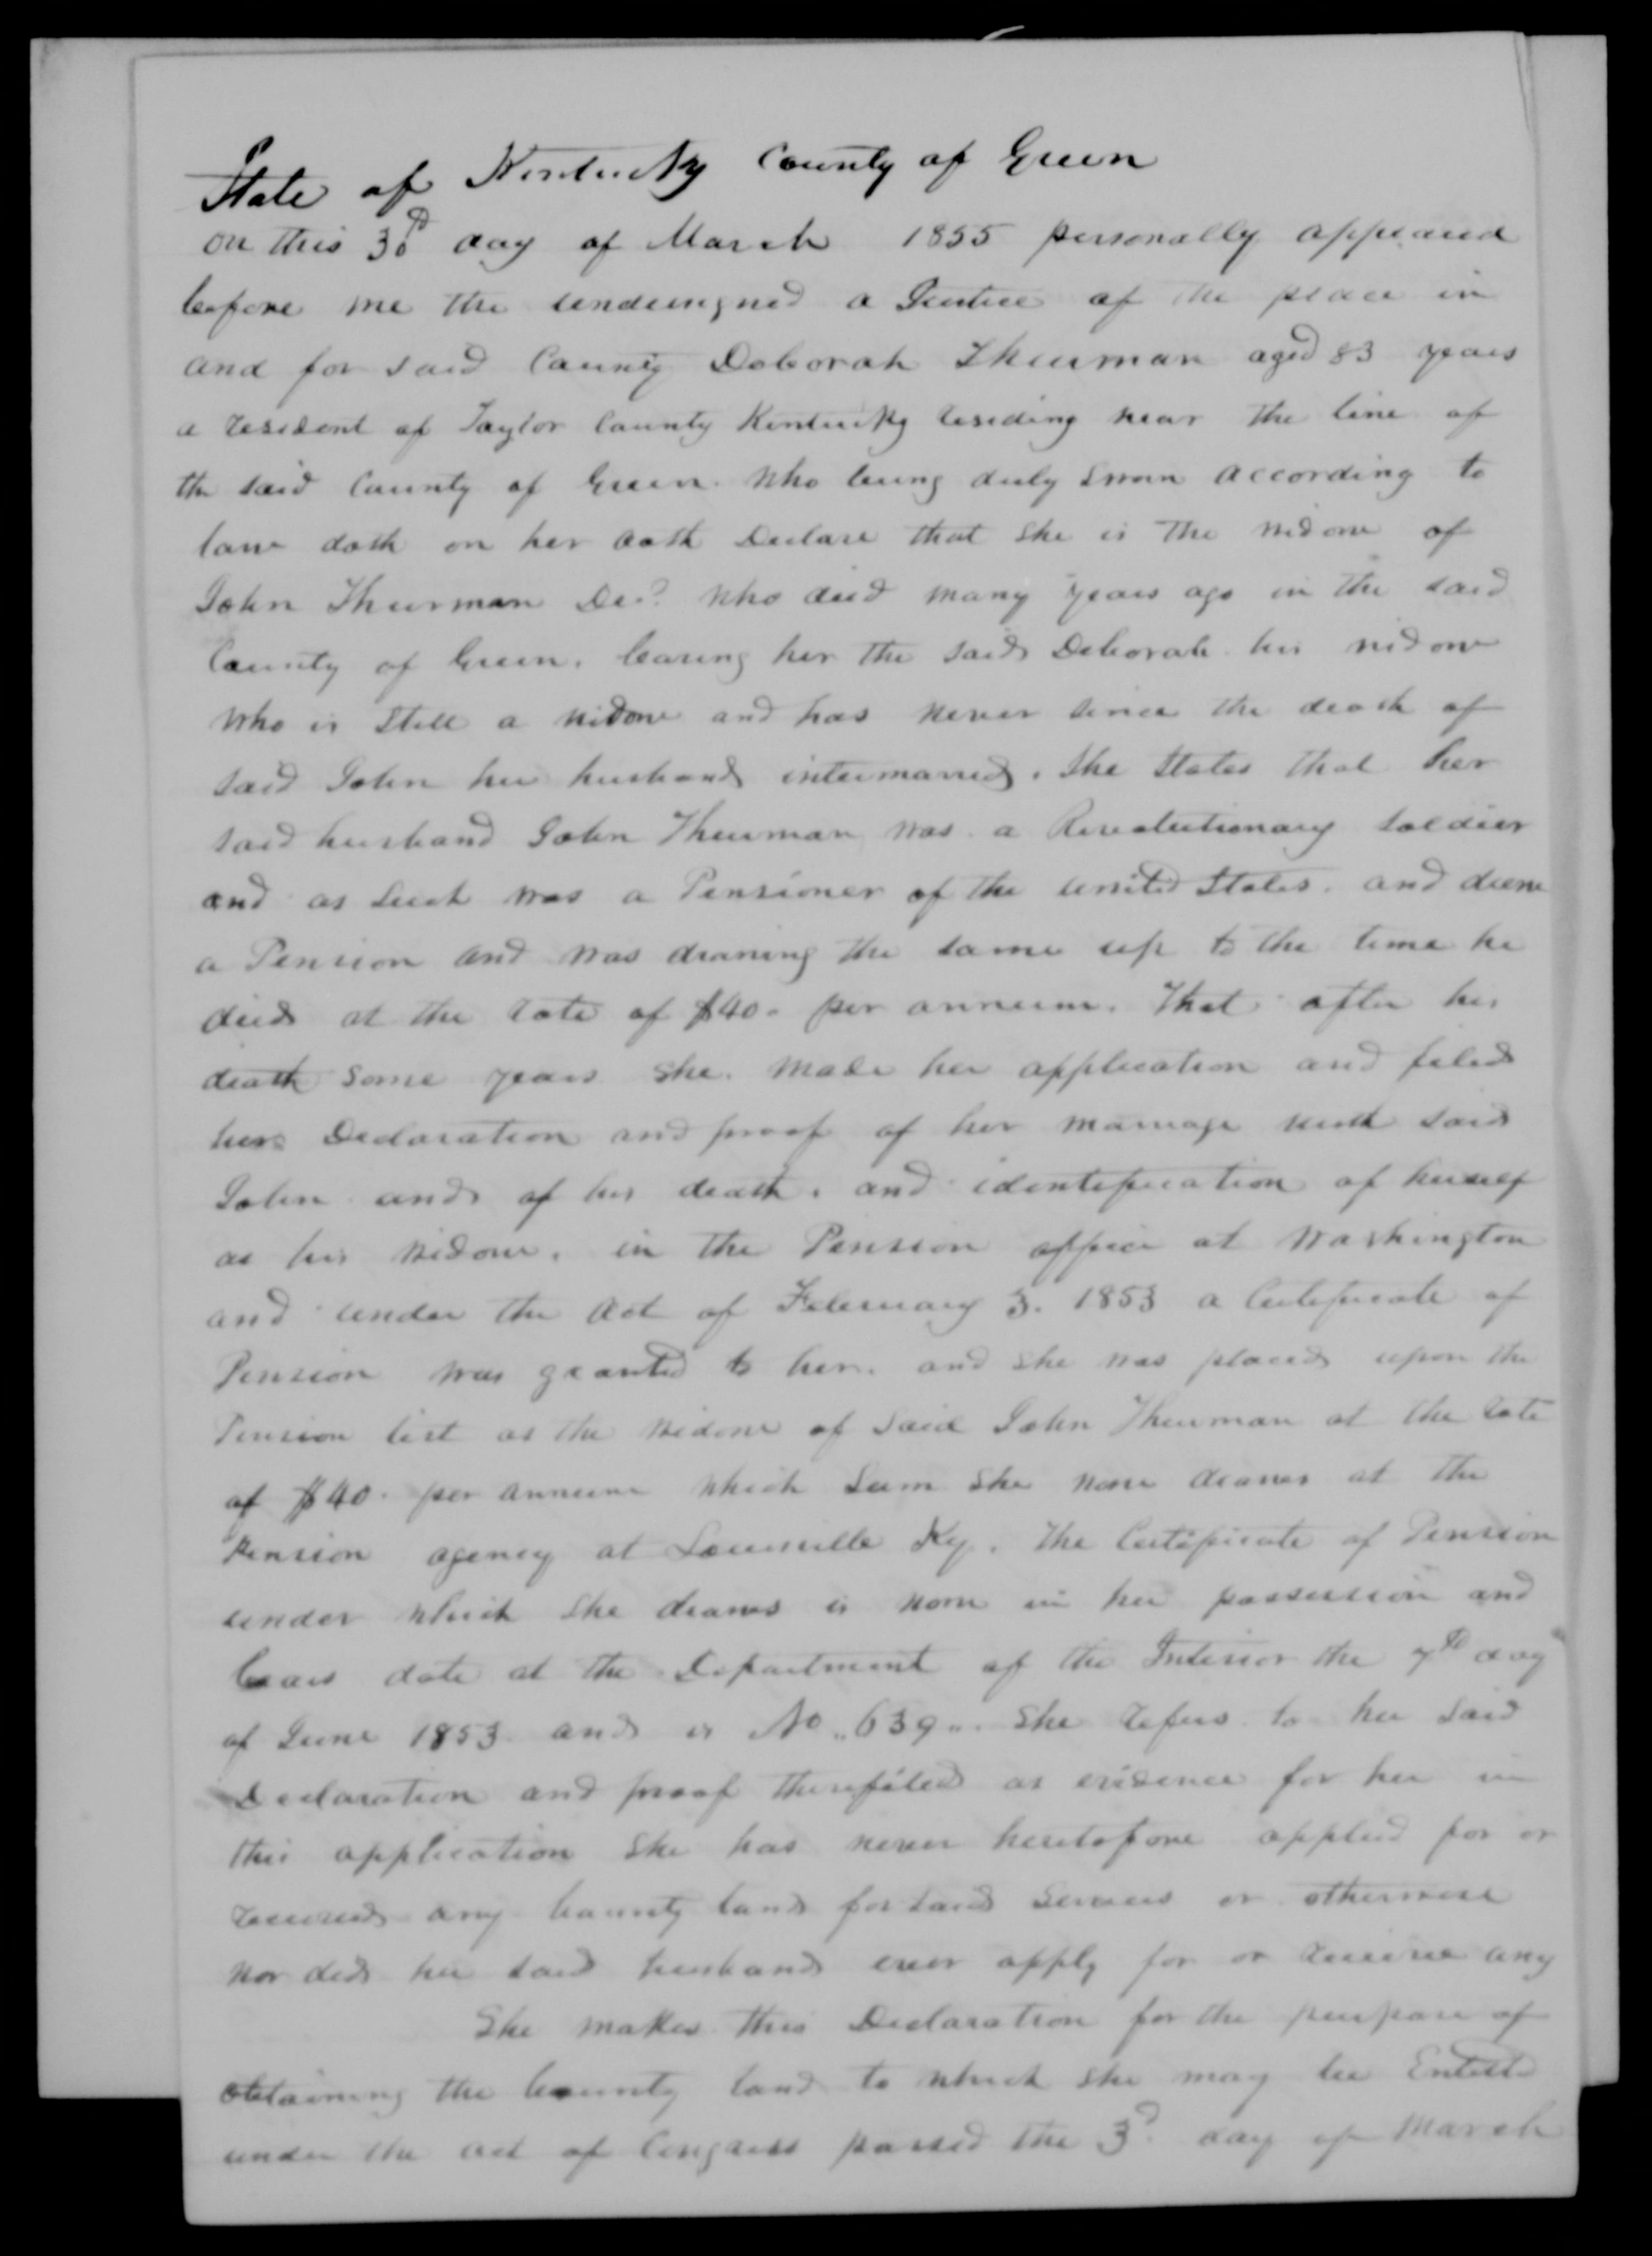State of Kentucky County of Green
on this 30 day of March 1855 personally appeared before me the undersigned a Justice of the peace in and for said County Deborah Thurman aged 83 years a resident of Taylor County Kentucky residing near the line of the said County of Green who being duly sworn according to law doth on her oath declare that she is the widow of John Thurman Decd who died many years ago in the said County of Green leaving her the said Deborah his widow
who is still a widow and has never since the death of said John her husband intermarried. She states that her said husband John Thurman was a Revolutionary soldier and as such was a Pensioner of the United States and drew a Pension and was drawing the same up to the time he died at the rate of $40. per annum. That after his death some years she made her application and filed her Declaration and proof of her marriage with said John and of his death, and identification of herself as his widow, in the Pension office at Washington and under the act of February 3d 1853 a Certificate of Pension was granted to her, and she was placed upon the Pension list as the widow of said John Thurman at the late [rate]
of $40 per annum which sum she now draws at the Pension agency at Louisville Ky. The Certificate of Pension under which she draws is now in her possession and [illegible] date at the Department of the Interior the 7th day
of June 1853 and is No 639. She refers to her said Declaration and proof there filed as evidence for her in this application She has never heretofore applied for or received any bounty land for said services or otherwise
nor did her said husband ever apply for or recieve any She makes this Declaration for the purpose of obtaining the bounty land to which she may be Entitled under the act of Congress passed the 3d day of March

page: 19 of 53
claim: widow's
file: W. 6,267, for John Thurman, Georgia